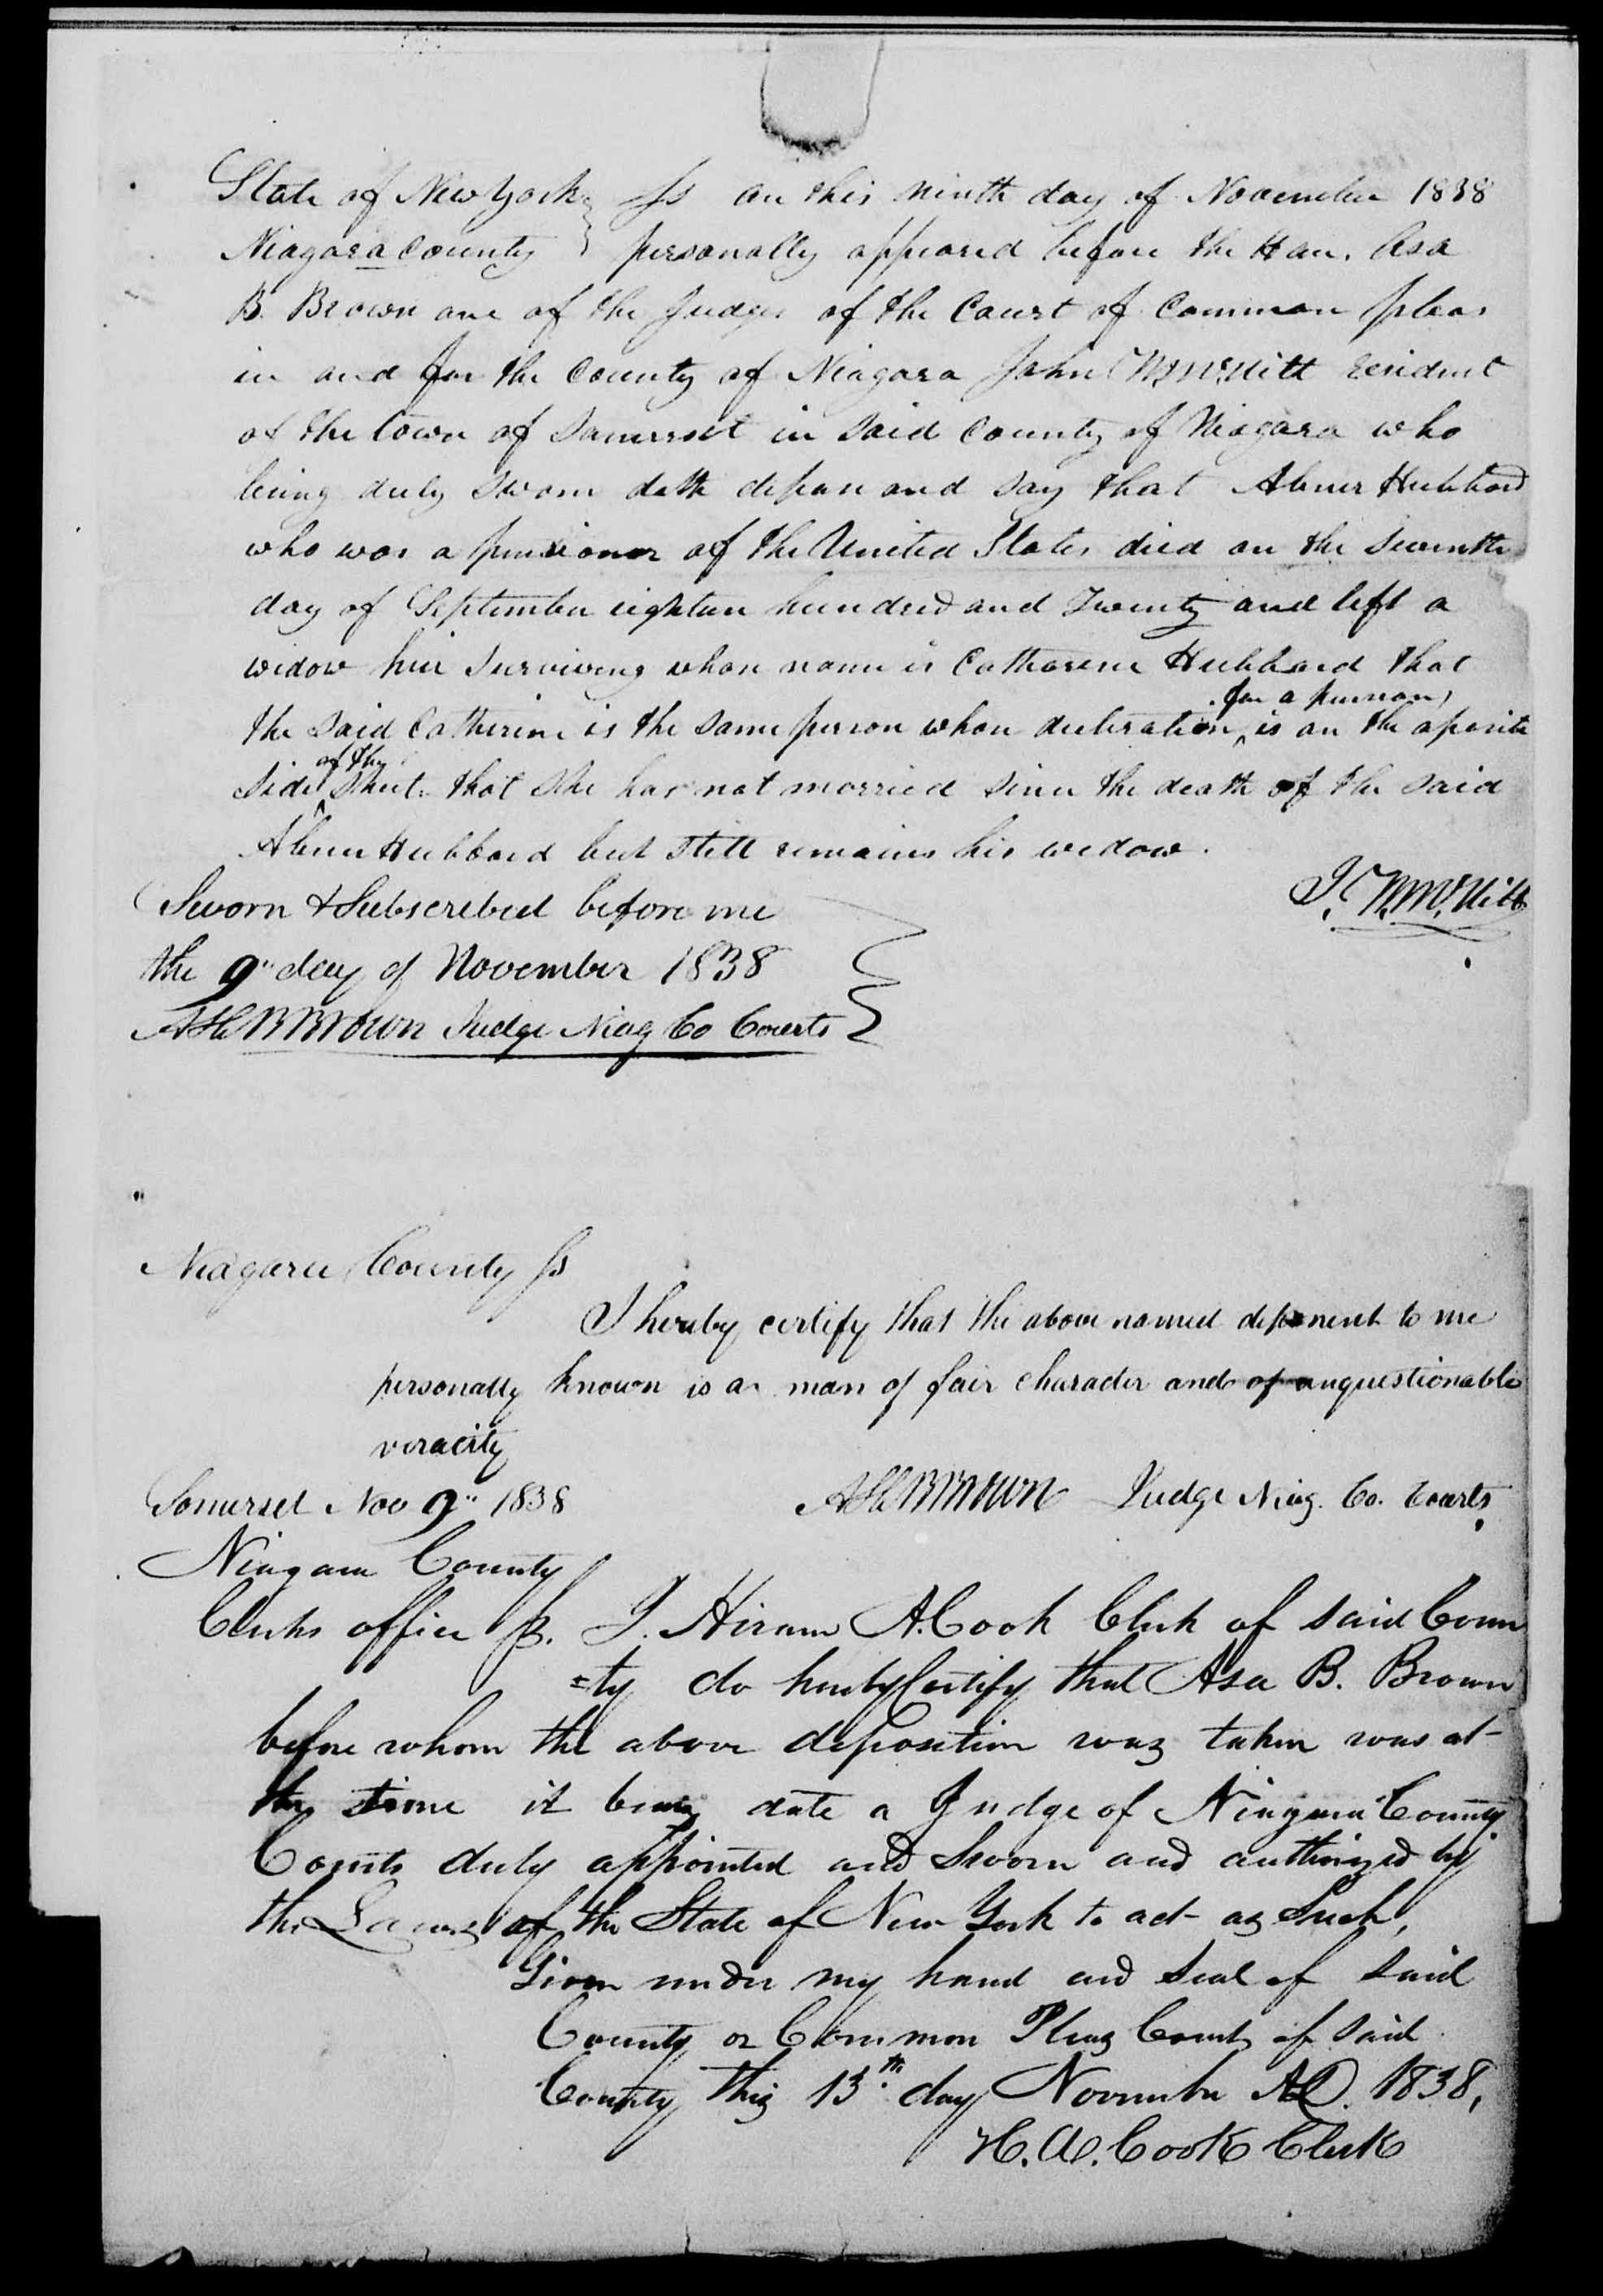State of New York
Niagara County Ss
On this ningth day of November 1838 personally appeared before the Hon. Asa S Brown one of the Judges of the Court of Common Pleas in and for the County of Niagara John W McNitt resident of the town of Somerset in said County of Niagara who being duly sworn doth declare and say that Abner Hubbard who was a pensioner of the United States died on the seventeenth day of September eighteen hundred and twenty and left a widow him surviving whose name is Catharine Hubbard that the said Catharine is the same person whose declaration for a pension, is on the opposite side of this sheet.  That she has not married since the death of the said Abner Hubbard but still remains his widow.
J. W. McNitt
Sworn & Subscribed before me the 9th day of November 1838
Asa B Brown Judge Niag Co Courts

Niagara County Ss
I hereby certify that the above named deponent to me personally known is a man of fair character and of unquestionable veracity
Asa B Brown
Somerset Nov 9 1838
Niagara County
Clerks office 
I Hiram A Cook Clerk of said Court to hereby certify that Asa B Brown before whom the above deposition was taken was  at time it being date a Judge of Niagara County duly appointed and Sworn authorized by the Laws of the State of New York to act as such
Given under my hand and Seal of Said County f Common Pleas County of said County this 13th day November A.D. 1838
H A Cook Clerk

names: Abner Hubbard, John W Mc Nitt, Hiram A Cook, Catharine Hubbard, Asa B Brown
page: 34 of 38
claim: widow's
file: W. 23,381, Abner Hubbard, Continental Mass.